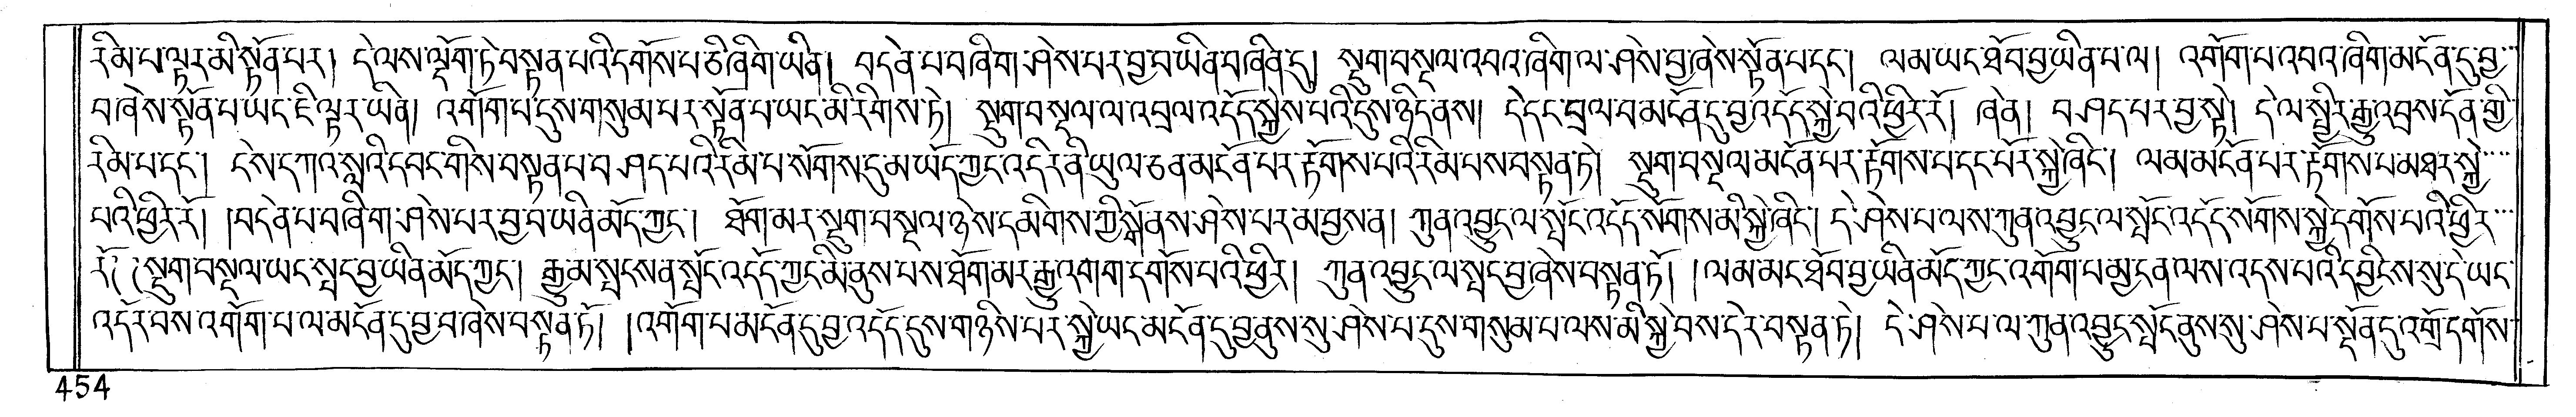རིམ་པ་ལྟར་མི་སྟོན་པར། དེ་ལས་ལྡོག་ཏེ་བསྟན་པའི་དགོས་པ་ཅི་ཞིག་ཡིན། བདེན་པ་བཞིག་ཤེས་པར་བྱ་བ་ཡིན་བཞིན་དུ། སྡུག་བསྔལ་འབའ་ཞིག་ལ་ཤེས་བྱ་ཞེས་སྟོན་པ་དང་། ལམ་ཡང་ཐོབ་བྱ་ཡིན་པ་ལ། འགོག་པ་འབའ་ཞིག་མངོན་དུ་བྱ་
བ་ཞེས་སྟོན་པ་ཡང་ཇི་ལྟར་ཡིན། འགོག་པ་དུས་གསུམ་པར་སྟོན་པ་ཡང་མི་རིགས་ཏེ། སྡུག་བསྔལ་ལ་འབྲལ་འདོད་སྐྱས་པའི་དུས་ཉིད་ནས། དེ་དང་བྲལ་བ་མངོན་དུ་བྱ་འདོད་སྐྱེ་བའི་ཕྱིར་རོ། ཞེ་ན། བཤད་པར་བྱ་སྟེ། དེ་ལ་སྤྱིར་རྒྱུ་འབྲས་དོན་གྱི་
རིམ་པ་དང་། ངེས་དཀའ་སླའི་དབང་གིས་བསྟན་པ་བཤད་པའི་རིམ་པ་སོགས་དུ་མ་ཡོད་ཀྱང་འདིར་ནི་ཡུལ་ཅན་མངོན་པར་རྟོགས་པའི་རིམ་པས་བསྟན་ཏེ། སྡུག་བསྔལ་མངོན་པར་རྟོགས་པ་དང་པོར་སྐྱེ་ཞིང་། ལམ་མངོན་པར་རྟོགས་པ་མཐར་སྐྱེ་
བའི་ཕྱིར་རོ། །བདེན་པ་བཞི་ག་ཤེས་པར་བྱ་བ་ཡིན་མོད་ཀྱང་། ཐོག་མར་སྡུག་བསྔལ་ཉེས་དམིགས་ཀྱི་སྒོ་ནས་ཤེས་པར་མ་བྱས་ན། ཀུན་འབྱུང་ལ་སྤོང་འདོད་སོགས་མི་སྐྱེ་ཞིང་། དེ་ཤེས་པ་ལས་ཀུན་འབྱུང་ལ་སྤོང་འདོད་སོགས་སྐྱེ་དགོས་པའི་ཕྱིར་
རོ༑ ༑སྡུག་བསྔལ་ཡང་སྤང་བྱ་ཡིན་མོད་ཀྱང་། རྒྱུ་མ་སྤངས་ན་སྤོང་འདོད་ཀྱང་མི་ནུས་པས་ཐོག་མར་རྒྱུ་འགག་དགོས་པའི་ཕྱིར། ཀུན་འབྱུང་ལ་སྤང་བྱ་ཞེས་བསྟན་ཏོ། །ལམ་ཡང་ཐོབ་བྱ་ཡིན་མོད་ཀྱང་འགོག་པ་མྱ་ངན་ལས་འདས་པའི་དབྱིངས་སུ་དེ་ཡང་
འདོར་བས་འགོག་པ་ལ་མངོན་དུ་བྱ་བ་ཞེས་བསྟན་ཏོ། །འགོག་པ་མངོན་དུ་བྱ་འདོད་དུས་གཉིས་པར་སྐྱེ་ཡང་མངོན་དུ་བྱ་ནུས་སུ་ཤེས་པ་དུས་གསུམ་པ་ལས་མི་སྐྱེ་བས་དེར་བསྟན་ཏེ། དེ་ཤེས་པ་ལ་ཀུན་འབྱུང་སྤོང་ནུས་སུ་ཤེས་པ་སྔོན་དུ་འགྲོ་དགོས་